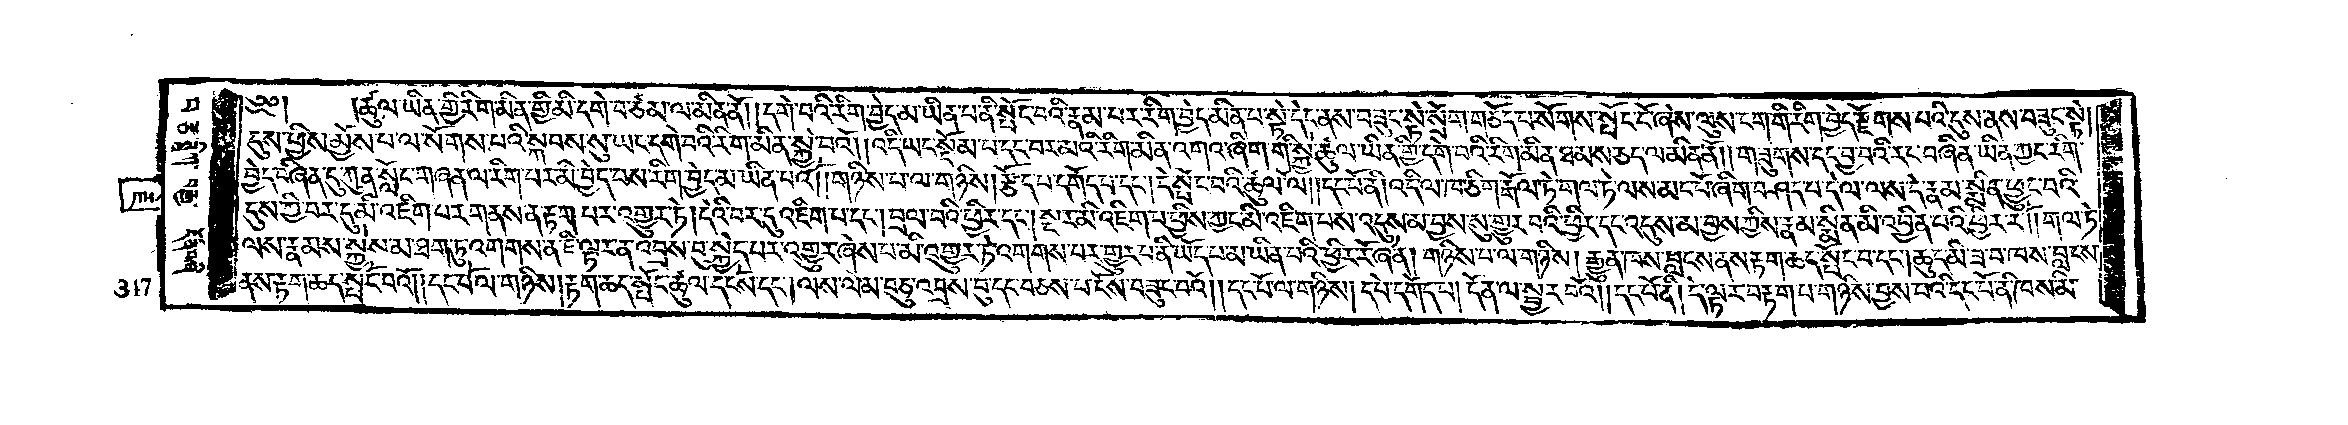༄༅། །ཆུལ་ཡིན་གྱི་རིག་མིན་གྱི་མི་དགེ་བ་ཙམ་ལ་མིན་ནོ། །དགེ་བའི་རིག་བྱེད་མ་ཡིན་པ་ནི་སྤོང་བའི་རྣམ་པར་རིག་བྱེད་མིན་པ་སྟེ་དེང་ནས་བཟུང་སྟེ་སྲོག་གཅོད་པ་སོགས་སྤོང་ངོ་ཞེས་ལུས་ངག་གི་རིག་བྱེད་རྫོགས་པའི་དུས་ནས་བཟུང་སྟེ།
དུས་ཕྱིས་མྱོས་པ་ལ་སོགས་པའི་སྐབས་སུ་ཡང་དགེ་བའི་རིག་མིན་སྐྱེ་བའོ། །འདི་ཡང་སྡོམ་པ་དང་བར་མའི་རིག་མིན་འགའ་ཞིག་གི་སྐྱེ་ཚུལ་ཡིན་གྱི་དགེ་བའི་རིག་མིན་ཐམས་ཅད་ལ་མིན་ནོ། །གཟུགས་དང་བྱ་བའི་རང་བཞིན་ཡིན་ཀྱང་རིག་
བྱེད་བཞིན་དུ་ཀུན་སློང་གཞན་ལ་རིག་པར་མི་བྱེད་པས་རིག་བྱེད་མ་ཡིན་པའོ། །གཉིས་པ་ལ་གཉིས། རྩོད་པ་དགོད་པ་དང་། དེ་སྤོང་བའི་ཚུལ་ལོ། །དང་པོ་ནི། འདི་ལ་ཁ་ཅིག་རྒོལ་ཏེ་གལ་ཏེ་ལས་མང་པོ་ཞིག་བཤད་པ་དེ་ལ་ལས་དེ་རྣམ་སྨིན་ཕྱུང་བའི་
དུས་ཀྱི་བར་དུ་མི་འཇིག་པར་གནས་ན་རྟག་པར་འགྱུར་ཏེ། དེའི་བར་དུ་འཇིག་པ་དང་། བྲལ་བའི་ཕྱིར་དང་། སྔར་མི་འཇིག་པ་ཕྱིས་ཀྱང་མི་འཇིག་པས་འདུས་མ་བྱས་སུ་གྱུར་བའི་ཕྱིར་དང་འདུས་མ་བྱས་ཀྱིས་རྣམ་སྨིན་མི་འབྱིན་པའི་ཕྱིར་རོ། །གལ་ཏེ་
ལས་རྣམས་སྐྱེས་མ་ཐག་ཏུ་འགགས་ན་ཇི་ལྟར་ན་འབྲས་བུ་སྐྱེད་པར་འགྱུར་ཞེས་པ་མི་འགྱུར་ཏེ་འགགས་པར་གྱུར་པ་ནི་ཡོད་པ་མ་ཡིན་པའི་ཕྱིར་རོ་ཞེ་ན། གཉིས་པ་ལ་གཉིས། རྒྱུན་ཁས་བླངས་ནས་རྟག་ཆད་སྤོང་བ་དང་། ཆུད་མི་ཟ་བ་ཁས་བླངས་
ནས་རྟག་ཆད་སྤོང་བའོ། །དང་པོ་ལ་གཉིས། རྟག་ཆད་སྤོང་ཚུལ་དངོས་དང་། ལས་ལམ་བཅུ་འབྲས་བུ་དང་བཅས་པ་ངོས་བཟུང་བའོ། །དང་པོ་ལ་གཉིས། དཔེ་དགོད་པ། དོན་ལ་སྦྱར་བའོ། །དང་པོ་ནི། དེ་ལྟར་བརྟག་པ་གཉིས་བྱས་པའི་དང་པོ་ནི་ཁས་མི་